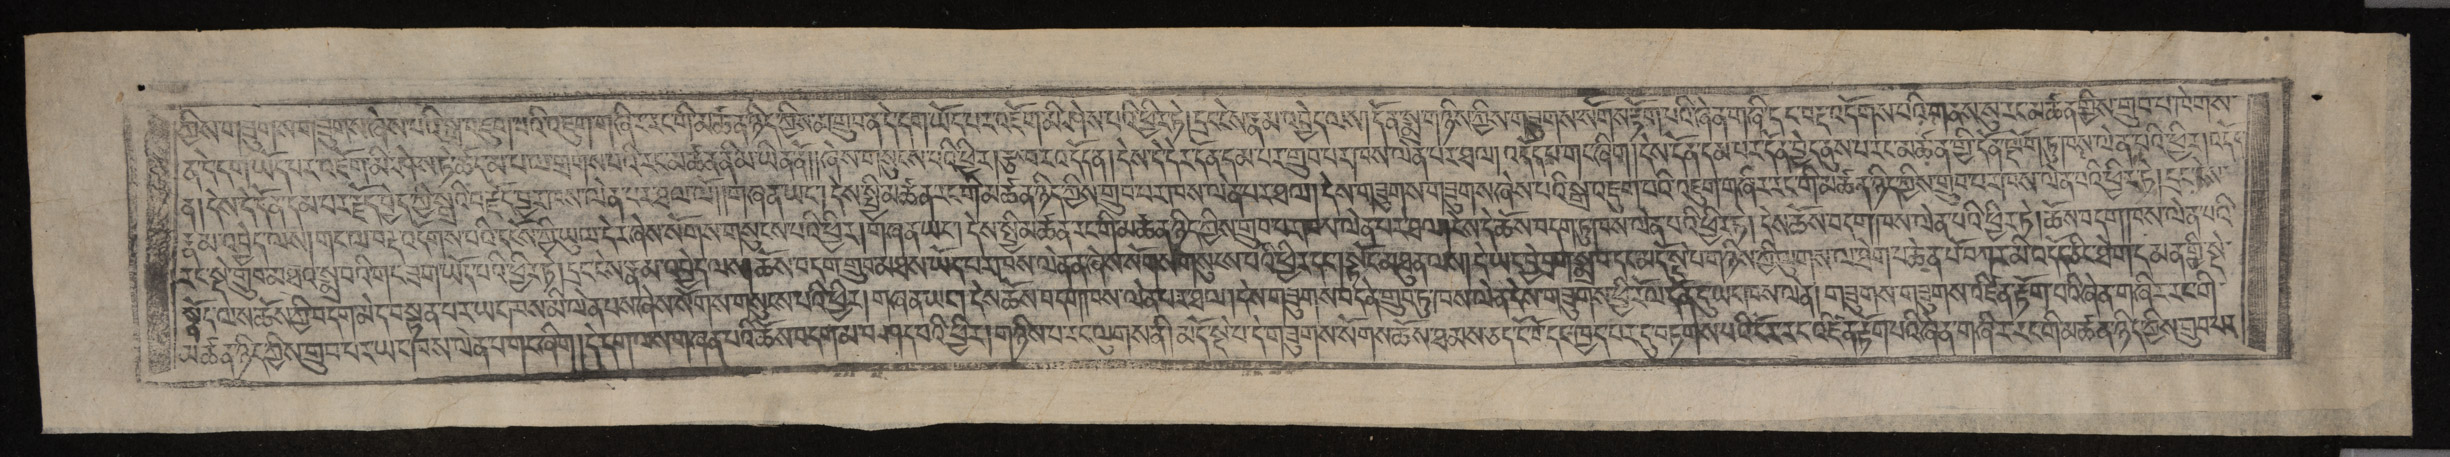ཀྱིས་གཟུགས་གཟུགས་ཞེས་པའི་སྐྲ་འཇུག་པའི་འཇུག་གཞིར་རང་གི་མཚན་ཉིད་ཀྱིས་མ་གྲུབ་ན་དེ་དག་ཡོད་པར་འཇུག་མི་ཤེས་པའི་ཕྱིར་ཏེ། དྲང་ངེས་རྣམ་འབྱེད་ལས། དོན་སྨྲ་གཉིས་ཀྱིས་གཟུགས་སོགས་རྟོག་པའི་ཞེན་གཞི་དང་བརྡ་འདོགས་པའི་གནས་སུ་རང་མཚན་གྱིས་གྲུབ་པ་ཁེགས་
ན་དེ་དག་ཡོད་པར་འཇོག་མི་ཤེས་ཏེ་ཚད་མ་པ་ལ་གྲགས་པའི་རང་མཚན་ནི་མ་ཡིན་ནོ། །ཞེས་གསུངས་པའི་ཕྱིར། རྩ་བར་འདོད་ན། དེས་དེ་དེར་དོན་དམ་པར་གྲུབ་པར་ཁས་ལེན་པར་ཐལ། འདོད་པ་གང་ཞིག །དེས་དོན་དམ་པར་དོན་བྱེད་ནུས་པ་རང་མཚན་གྱི་དོན་ལྡོག་ཏུ་ཁས་ལེན་པའི་ཕྱིར། འདོད་
ན། དེས་དེ་དོན་དམ་པར་རྗོད་བྱེད་ཀྱི་སྒྲའི་བརྗོད་བྱར་ཁས་ལེན་པར་ཐལ་ལོ། །གཞན་ཡང་། དེས་སྤྱི་མཚན་རང་གི་མཚན་ཉིད་ཀྱིས་གྲུབ་པར་ཁས་ལེན་པར་ཐལ། དེས་གཟུགས་གཟུགས་ཞེས་པའི་སྒྲ་འཇུག་པའི་འཇུག་གཞིར་རང་གི་མཚན་ཉིད་ཀྱིས་གྲུབ་པར་ཁས་ལེན་པའི་ཕྱིར་ཏེ། དྲང་ངེས་
རྣམ་འབྱེད་ལས། གང་ལ་བརྡ་འདོགས་པའི་དངོས་ཀྱི་ཡུལ་དེར་ཞེས་སོགས་གསུངས་པའི་ཕྱིར། གཞན་ཡང་། དེས་སྤྱི་མཚན་རང་གི་མཚན་ཉིད་ཀྱིས་གྲུབ་པར་ཁས་ལེན་པར་ཐལ། ངེས་དེ་ཆོས་བདག་ཏུ་ཁས་ལེན་པའི་ཕྱིར་ཏེ། དེས་ཆོས་བདག་ཁས་ལེན་པའི་ཕྱིར་ཏེ། ཆོས་བདག་ཁས་ལེན་པའི་
རང་སྡེ་གྲུབ་མཐའ་སྨྲ་བའི་གང་ཟག་ཡོད་པའི་ཕྱིར་ཏེ། དྲང་ངེས་རྣམ་འབྱེད་ལས། ཆོས་བདག་གྲུབ་མཐས་ཡོད་པར་ཁས་ལེན་ན་ཞེས་སོགས་གསུངས་པའི་ཕྱིར་དང་། སྟོང་མཐུན་ལས། དེ་ཡང་བྱེ་བྲག་སྨྲ་བ་དང་མདོ་སྡེ་པ་གཉིས་ཀྱི་ལུགས་ལ་ཐེག་པ་ཆེན་པོ་བཀར་མི་འདོད་ཅིག་ཐེག་དམན་གྱི་སྡེ་
སྣོད་ལས་ཆོས་ཀྱི་བདག་མེད་བསྟན་པར་ཡང་ཁས་མི་ལེན་པས་ཞེས་སོགས་གསུངས་པའི་ཕྱིར། གཞན་ཡང་། དེས་ཆོས་བདག་ཁས་ལེན་པར་ཐལ། དེས་གཟུགས་བདེན་གྲུབ་ཏུ་ཁས་ལེན་དེས་གཟུགས་ཕྱི་རོལ་དོན་དུ་ཡང་ཁས་ལེན། གཟུགས་གཟུགས་འཛིན་རྟོག་པའི་ཞེན་གཞིར་རང་གི་
མཚན་ཉིད་ཀྱིས་གྲུབ་པར་ཡང་ཁས་ལེན་པ་གང་ཞིག །དེ་དག་ལས་གཞན་པའི་ཆོས་བདག་མ་བཤད་པའི་ཕྱིར། གཉིས་པ་རང་ལུགས་ནི། མདོ་སྡེ་པ་དེ་གཟུགས་སོགས་ཆོས་ཐམས་ཅད་ངོ་བོ་དང་ཁྱད་པར་དུ་བཏགས་པའི་ངོར་རང་འཛིན་རྟོག་པའི་ཞེན་གཞིར་རང་གི་མཚན་ཉིད་ཀྱིས་གྲུབ་པ་